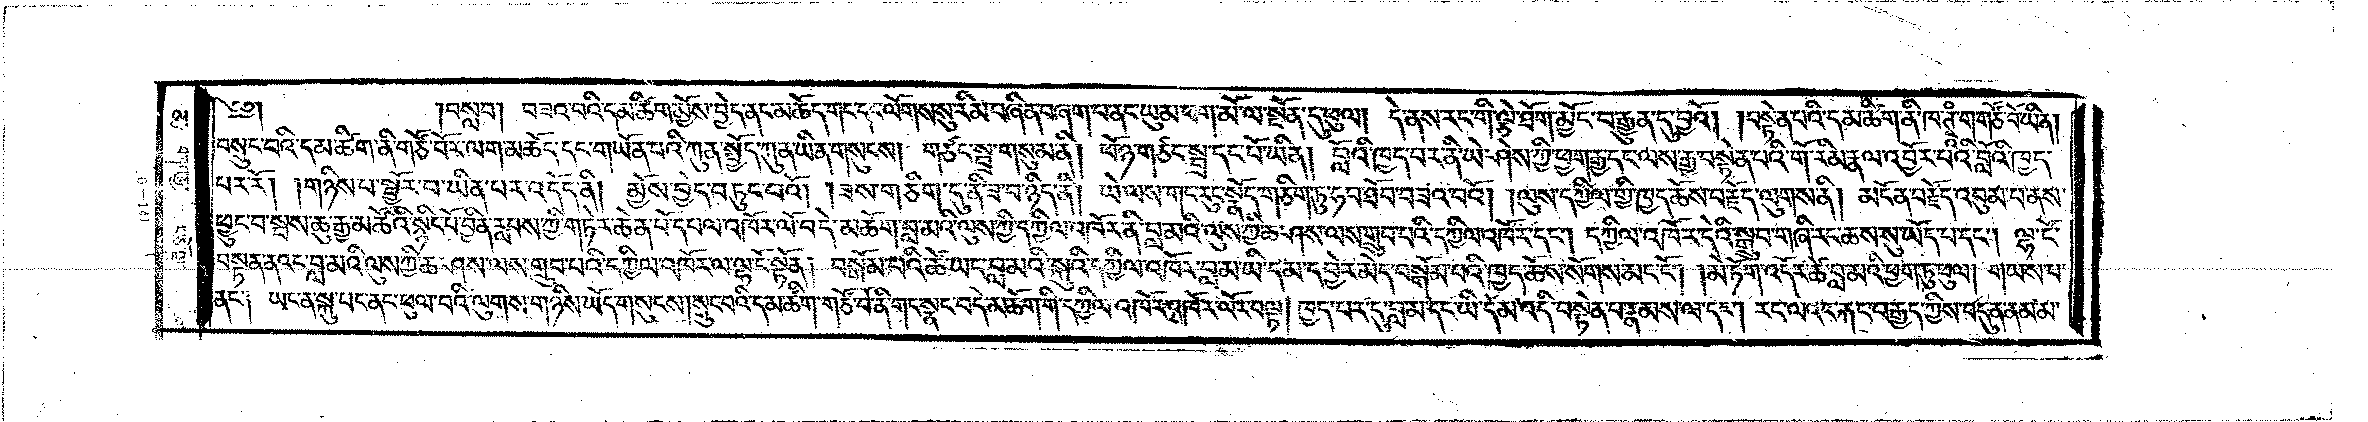༄༅། །བསླབ། བཟའ་བའི་དམ་ཚིག་མྱོས་བྱེད་ནང་མཆོད་གང་དང་ལོགས་སུ་རིམ་བཞིན་བཞག་པ་ནང་ཡུམ་ཕག་མོ་ལ་སྔོན་དུ་ཕུལ། དེ་ནས་རང་གི་ལྕེ་ཐོག་མྱོང་བ་རྒྱུན་དུ་བྱའོ། །བསྟེན་པའི་དམ་ཚིག་ནི་ཁ་ཊྭཱཾ་ག་གཙོ་བོ་ཡིན།
བསྲུང་བའི་དམ་ཚིག་ནི་གཙོ་བོར་ལག་མཆོད་དང་གཡོན་བའི་ཀུན་སྤྱོད་ཀུན་ཡིན་གསུངས། གཙང་སྦྲ་གསུམ་ནི། ཕོ་ཉ་གཙང་སྦྲ་དང་པོ་ཡིན། བློའི་ཁྱད་པར་ནི་ཡེ་ཤེས་ཀྱི་ཕྱག་རྒྱ་དང་ལས་རྒྱ་བསྟེན་པའི་གོ་རིམ་རྣལ་འབྱོར་པའི་བློའི་ཁྱད་
པར་རོ། །གཉིས་པ་སྦྱོར་བ་ཡིན་པར་འདོད་ནི། མྱོས་བྱེད་བཏུང་བའོ། །ཟས་གཅིག་དུ་ནི་ཟ་བ་ཉིད་ནི། ཡེ་ལས་གང་རུང་སྣོད་གཅིག་ཏུ་ཧབ་ཐོབ་བཟའ་བའོ། །ལུས་དཀྱིལ་གྱི་ཁྱད་ཆོས་བརྗོད་ལུགས་ནི། མངོན་བརྗོད་འབུམ་པ་ནས་
ཕྱུང་བ་སྦས་ཆུ་རྒྱ་མཚོའི་སྙིང་པོ་བྱིན་རླབས་ཀྱི་གཏེར་ཆེན་པོ་དཔལ་འཁོར་ལོ་བདེ་མཆོག་བླ་མའི་ལུས་ཀྱི་དཀྱིལ་འཁོར་ནི་བླ་མའི་ལུས་ཀྱི་ཆ་ཤས་ལས་གྲུབ་པའི་དཀྱིལ་འཁོར་དང་། དཀྱིལ་འཁོར་དེའི་སྒྲུབ་གཞི་རང་ཆས་སུ་ཡོད་པ་དང་། ལྷ་ངོ་
བསྟན་ནའང་བླ་མའི་ལུས་ཀྱི་ཆ་ཤས་ལས་གྲུབ་པའི་དཀྱིལ་འཁོར་ལ་ལྷ་ངོ་སྟོན། བསྒོམ་པའི་ཚེ་ཡང་བླ་མའི་སྐུའི་དཀྱིལ་འཁོར་བླ་མ་ཡི་དམ་དབྱེར་མེད་བསྒོམ་པའི་ཁྱད་ཆོས་སོགས་མང་ངོ། །མེ་ཏོག་འདོར་ཚེ་བླ་མའི་ཕྱག་ཏུ་ཕུལ། གཡས་པ་
ནང༑ ཡང་ན་སྐུ་པང་ནང་ཕུལ་བའི་ལུགས་གཉིས་ཡོད་གསུངས། སྲུང་བའི་དམ་ཚིག་གཙོ་བོ་ནི་གང་སྣང་བདེ་མཆོག་གི་དཀྱིལ་འཁོར་འཁོར་ལོར་བལྟ། ཁྱད་པར་དུ་བླ་མ་དང་ཡི་དམ་འདི་བསྟེན་པ་རྣམས་ལ་དང་། རང་ལའང་རྐང་བརྒྱད་ཀྱིས་བདུན་ནམ་མ་